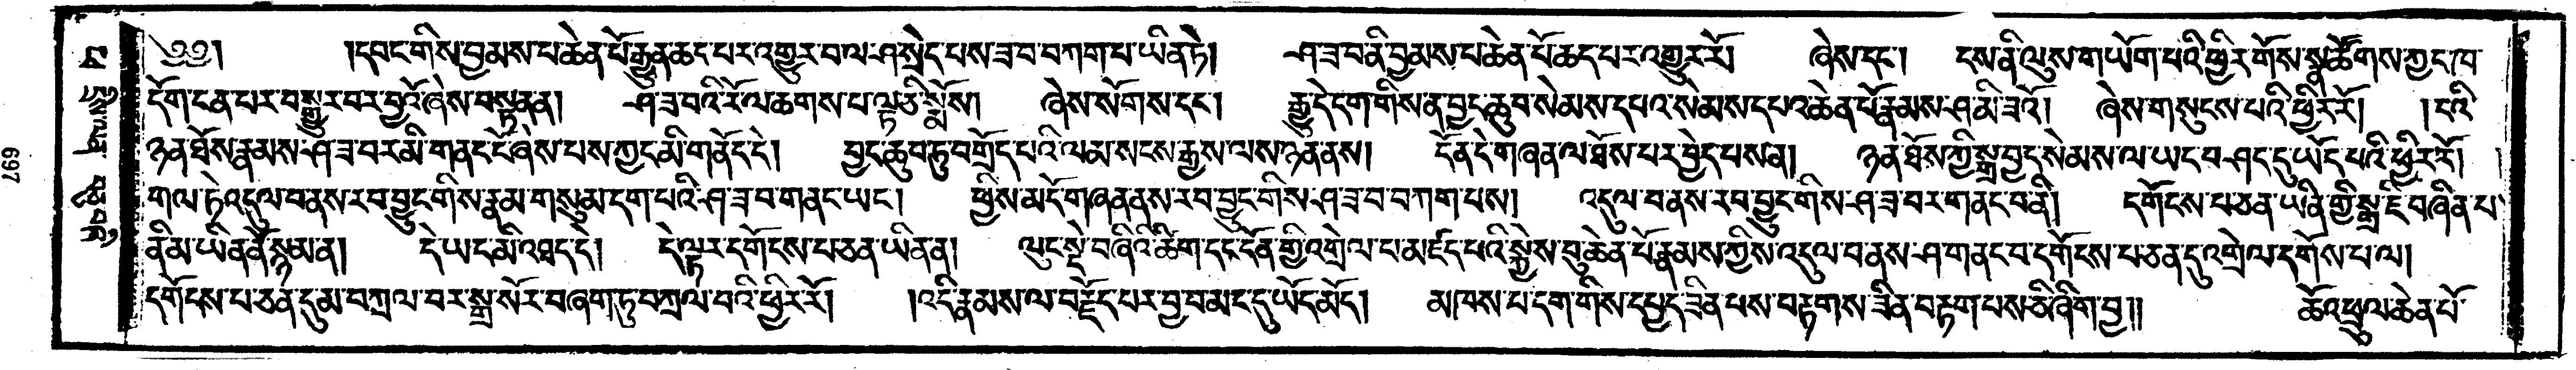༄༅། །དབང་གིས་བྱམས་པ་ཆེན་པོ་རྒྱུན་ཆད་པར་འགྱུར་བ་ལ་ཤ་སྲེད་པས་ཟ་བ་བཀག་པ་ཡིན་ཏེ། ཤ་ཟ་བ་ནི་བྱམས་པ་ཆེན་པོ་ཆད་པར་འགྱུར་རོ། ཞེས་དང་། ངས་ནི་ལུས་གཡོག་པའི་ཕྱིར་གོས་སྣ་ཚོགས་ཀྱང་ཁ་
དོག་ངན་པར་བསྒྱུར་བར་བྱའོ་ཞེས་བསྟན་ན། ཤ་ཟ་བའི་རོ་ལ་ཆགས་པ་ལྟ་ཅི་སྨོས། ཞེས་སོགས་དང་། རྒྱུ་དེ་དག་གིས་ན་བྱང་ཆུབ་སེམས་དཔའ་སེམས་དཔའ་ཆེན་པོ་རྣམས་ཤ་མི་ཟའོ། ཞེས་གསུངས་པའི་ཕྱིར་རོ། །ངའི་
ཉན་ཐོས་རྣམས་ཤ་ཟ་བར་མི་གནང་ངོ་ཞེས་པས་ཀྱང་མི་གནོད་དེ། བྱང་ཆུབ་ཏུ་བགྲོད་པའི་ལམ་སངས་རྒྱས་ལས་ཉན་ནས། དོན་དེ་གཞན་ལ་ཐོས་པར་བྱེད་པས་ན། ཉན་ཐོས་ཀྱི་སྒྲ་བྱང་སེམས་ལ་ཡང་བཤད་དུ་ཡོང་པའི་ཕྱིར་རོ། །
གལ་ཏེ་འདུལ་བ་ནས་རབ་བྱུང་གིས་རྣམ་གསུམ་དག་པའི་ཤ་ཟ་བ་གནང་ཡང་། ཕྱིས་མདོ་གཞན་ནས་རབ་བྱུང་གིས་ཤ་ཟ་བ་བཀག་པས། འདུལ་བ་ནས་རབ་བྱུང་གིས་ཤ་ཟ་བར་གནང་བ་ནི། དགོངས་པ་ཅན་ཡིན་གྱི་སྒྲ་ཇི་བཞིན་པ་
ནི་མ་ཡིན་ནོ་སྙམ་ན། དེ་ཡང་མི་འཐད་དེ། དེ་ལྟར་དགོངས་པ་ཅན་ཡིན་ན། ལུང་སྡེ་བཞིའི་ཚིག་དང་དོན་གྱི་འགྲེལ་པ་མཛད་པའི་སྐྱེས་བུ་ཆེན་པོ་རྣམས་ཀྱིས་འདུལ་བ་ནས་ཤ་གནང་བ་དགོངས་པ་ཅན་དུ་འགྲེལ་དགོས་པ་ལ།
དགོངས་པ་ཅན་དུ་མ་བཀྲལ་བར་སྒྲ་སོར་བཞག་ཏུ་བཀྲལ་བའི་ཕྱིར་རོ། །འདི་རྣམས་ལ་བརྗོད་པར་བྱ་བ་མང་དུ་ཡོད་མོད། མཁས་པ་དག་གིས་དཔྱད་ཟིན་པས་བརྟགས་ཟིན་བརྟགས་པས་ཅི་ཞིག་བྱ།། ཆོ་འཕྲུལ་ཆེན་པོ་